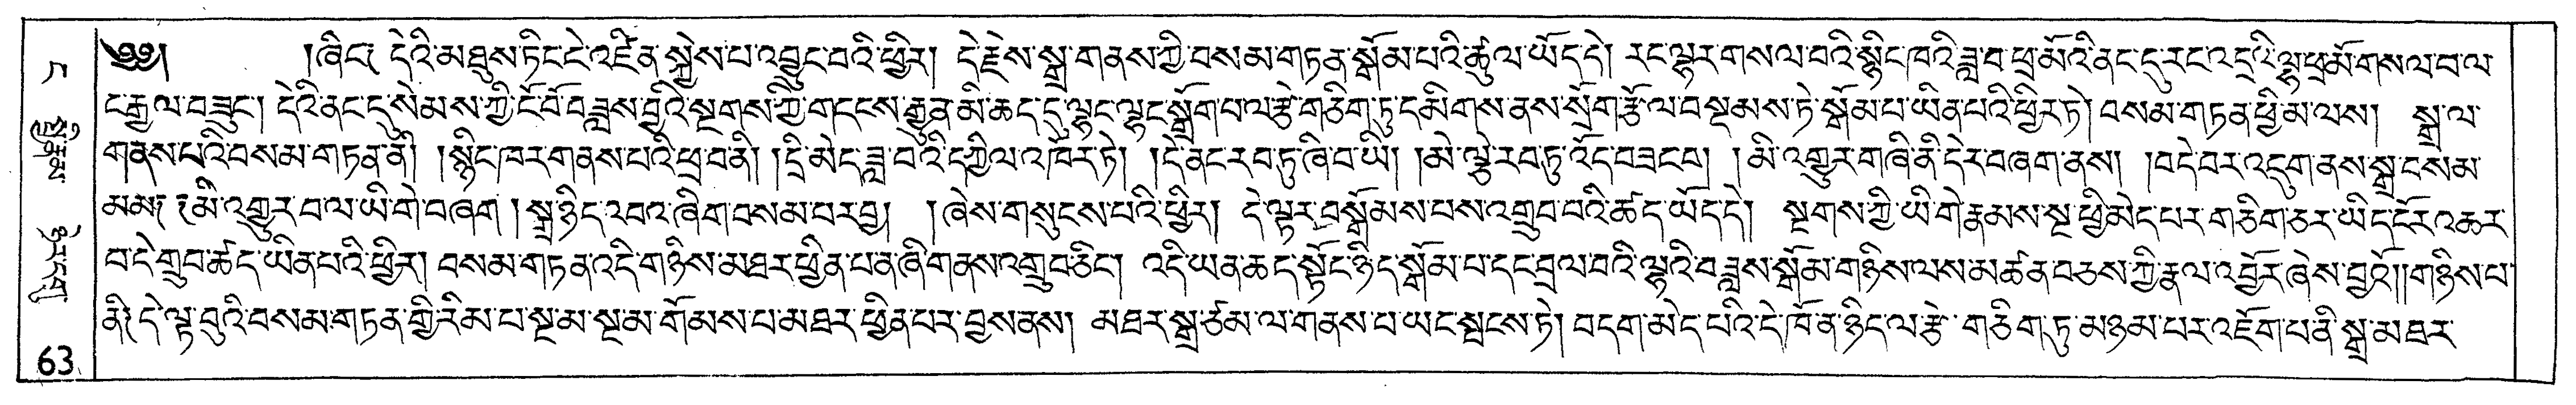༄༅། །ཞིང་། དེའི་མཐུས་ཏིང་ངེ་འཛིན་སྐྱེས་པ་འབྱུང་བའི་ཕྱིར། དེ་རྗེས་སྒྲ་གནས་ཀྱི་བསམ་གཏན་སྒོམ་པའི་ཚུལ་ཡོད་དེ། རང་ལྷར་གསལ་བའི་སྙིང་ཁའི་ཟླ་བ་ཕྲ་མོའི་ནང་དུ་རང་འདྲའི་ལྷ་ཕྲ་མོ་གསལ་བ་ལ་
ང་རྒྱལ་བཟུང་། དེའི་ནང་དུ་སེམས་ཀྱི་ངོ་བོ་བཟླས་བྱའི་སྔགས་ཀྱི་གདངས་རྒྱུན་མི་ཆད་དུ་ལྷང་ལྷང་སྒྲོག་པ་ལ་རྩེ་གཅིག་ཏུ་དམིགས་ནས་སྲོག་རྩོལ་བསྔམས་ཏེ་སྒོམ་པ་ཡིན་པའི་ཕྱིར་ཏེ། བསམ་གཏན་ཕྱི་མ་ལས། སྒྲ་ལ་
གནས་པའི་བསམ་གཏན་ནི། །སྙིང་ཁར་གནས་པའི་ཕྲ་བ་ནི། །དྲི་མེད་ཟླ་བའི་དཀྱིལ་འཁོར་ཏེ། །དེ་ནང་རབ་ཏུ་ཞི་བ་ཡི། །མེ་ལྕེ་རབ་ཏུ་འོད་བཟང་བ། །མི་འགྱུར་གཞི་ནི་དེར་བཞག་ནས། །བདེ་བར་འདུག་ནས་སྒྲ་བསམ་
མམ། །མི་འགྱུར་བ་ལ་ཡི་གེ་བཞག །སྒྲ་ཉིད་འབའ་ཞིག་བསམ་པར་བྱ། །ཞེས་གསུངས་པའི་ཕྱིར། དེ་ལྟར་བསྒོམས་པས་འགྲུབ་པའི་ཚད་ཡོད་དེ། སྔགས་ཀྱི་ཡི་གེ་རྣམས་སྔ་ཕྱི་མེད་པར་གཅིག་ཅར་ཡིད་ངོར་འཆར་
བ་དེ་གྲུབ་ཚད་ཡིན་པའི་ཕྱིར། བསམ་གཏན་འདི་གཉིས་མཐར་ཕྱིན་པ་ན་ཞི་གནས་འགྲུབ་ཅིང་། འདི་ཡན་ཆད་སྟོང་ཉིད་སྒོམ་པ་དང་བྲལ་བའི་ལྷའི་བཟླས་སྒོམ་གཉིས་ལས་མཚན་བཅས་ཀྱི་རྣལ་འབྱོར་ཞེས་བྱའོ། །གཉིས་པ་
ནི། དེ་ལྟ་བུའི་བསམ་གཏན་གྱི་རིམ་པ་སྔ་མ་སྔ་མ་གོམས་པ་མཐར་ཕྱིན་པར་བྱས་ནས། མཐར་སྒྲ་ཙམ་ལ་གནས་པ་ཡང་སྤངས་ཏེ། བདག་མེད་པའི་དེ་ཁོ་ན་ཉིད་ལ་རྩེ་གཅིག་ཏུ་མཉམ་པར་འཇོག་པ་ནི་སྒྲ་མཐར་